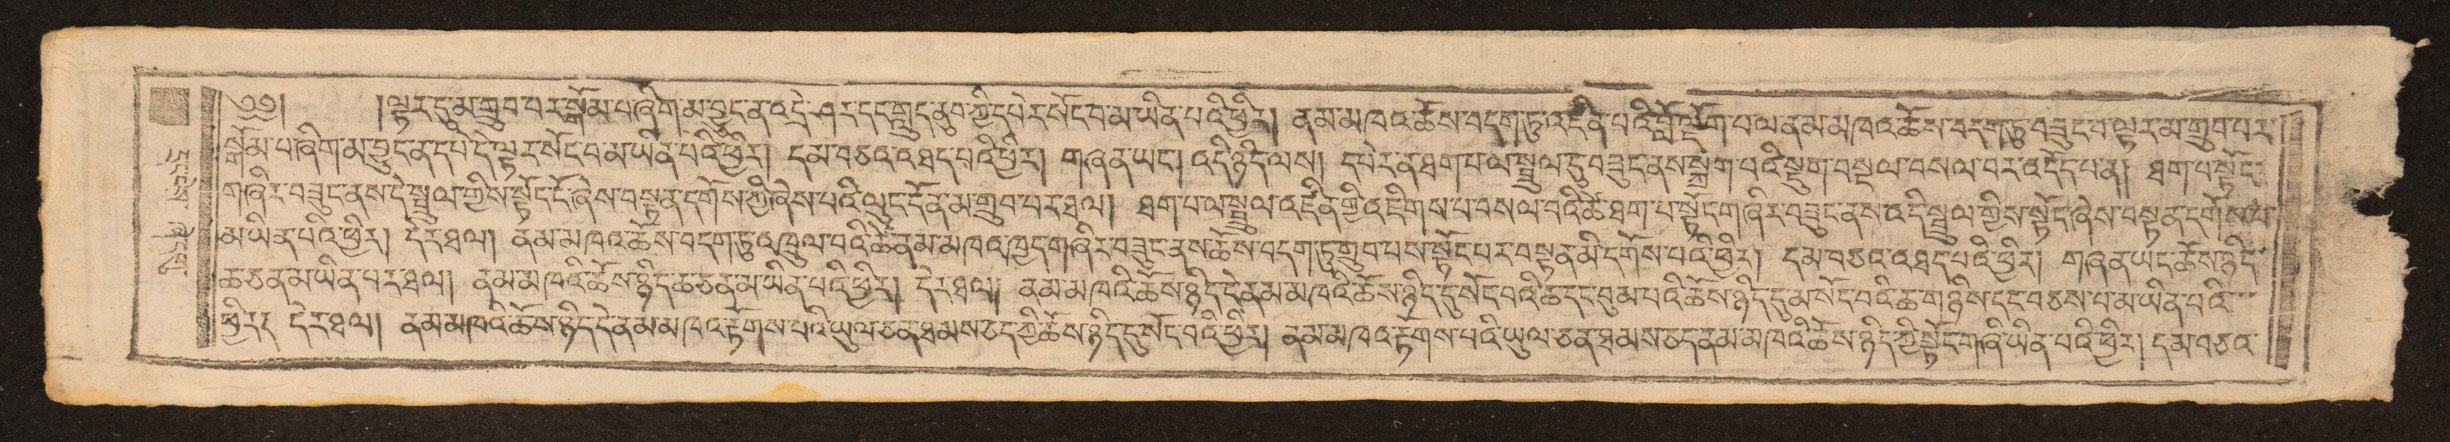༄༅། །ལྟར་དུ་མ་གྲུབ་བར་སྒོམ་པ་ཞིག་མ་བྱུང་ན་འདྲེ་ཤར་དང་གླུད་ནུབ་ཀྱི་དཔེར་སོང་བ་མ་ཡིན་པའི་ཕྱིར། ནམ་མཁའ་ཆོས་བདག་ཏུ་འཛིན་པའི་བློ་ལྡོག་པ་ལ་ནམ་མཁའ་ཆོས་བདག་ཏུ་བཟུང་བ་ལྟར་མ་གྲུབ་པར་
སྒོམ་པ་ཞིག་མ་བྱུང་ན་དཔེ་དེ་ལྟར་སོང་བ་མ་ཡིན་པའི་ཕྱིར། དམ་བཅའ་འཐད་པའི་ཕྱིར། གཞན་ཡང་། འདི་ཉིད་ལས། དཔེར་ན་ཐག་པ་ལ་སྦྲུལ་དུ་བཟུང་ནས་སྐྲག་པའི་སྡུག་བསྔལ་བསལ་བར་འདོད་པ་ན། ཐག་པ་སྟོང་
གཞིར་བཟུང་ནས་དེ་སྤྲུལ་གྱིས་སྟོང་ངོ་ཞེས་བསྟན་དགོས་ཀྱི་ཞེས་པའི་ལུང་དོན་མ་གྲུབ་པར་ཐལ། ཐག་པ་ལ་སྦྲུལ་འཛིན་གྱི་འཇིགས་པ་བསལ་བའི་ཚེ་ཐག་པ་སྟོང་གཞིར་བཟུང་ནས་འདི་སྦྲུལ་གྱིས་སྟོང་ཞེས་བསྟན་དགོས་པ་
མ་ཡིན་པའི་ཕྱིར། དེར་ཐལ། ནམ་མཁའ་ཆོས་བདག་ཏུ་འཁྲུལ་བའི་ཚེ་ནམ་མཁའ་ཁྱད་གཞིར་བཟུང་ནས་ཆོས་བདག་ཏུ་གྲུབ་པས་སྟོང་པར་བསྟན་མི་དགོས་པའི་ཕྱིར། དམ་བཅའ་འཐད་པའི་ཕྱིར། གཞན་ཡང་ཆོས་ཉིད་
ཆ་ཅན་མ་ཡིན་པར་ཐལ། ནམ་མཁའི་ཆོས་ཉིད་ཆ་ཅན་མ་ཡིན་པའི་ཕྱིར། དེར་ཐལ། ནམ་མཁའི་ཆོས་ཉིད་དེ་ནམ་མཁའི་ཆོས་ཉིད་དུ་སོང་བའི་ཆ་དང་བུམ་པའི་ཆོས་ཉིད་དུ་མ་སོང་བའི་ཆ་གཉིས་དང་བཅས་པ་མ་ཡིན་པའི་
ཕྱིར༑ དེར་ཐལ། ནམ་མཁའི་ཆོས་ཉིད་དེ་ནམ་མཁའ་རྟོགས་པའི་ཡུལ་ཅན་ཐམས་ཅད་ཀྱི་ཆོས་ཉིད་དུ་སོང་བའི་ཕྱིར། ནམ་མཁའ་རྟོགས་པའི་ཡུལ་ཅན་ཐམས་ཅད་ནམ་མཁའི་ཆོས་ཉིད་ཀྱི་སྟོང་གཞི་ཡིན་པའི་ཕྱིར། དམ་བཅའ་